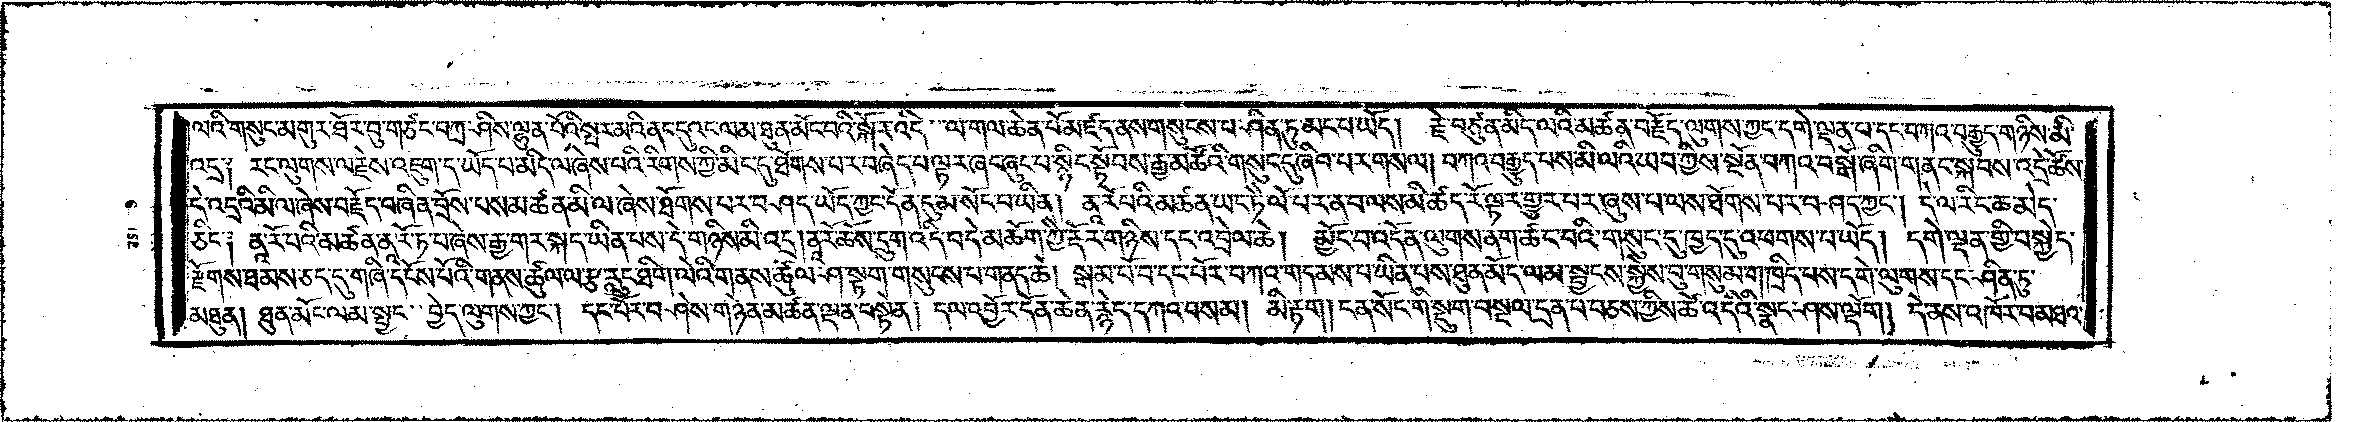ལའི་གསུང་མགུར་ཐོར་བུ་གཙང་བཀྲ་ཤིས་ལྷུན་པོའི་སྤར་མའི་ནང་དུའང་ལམ་ཐུན་མོང་བའི་སྐོར་འདི་ལ་གལ་ཆེན་པོ་མཛད་ནས་གསུངས་པ་ཤིན་ཏུ་མང་པ་ཡོད། རྗེ་བཙུན་མིད་ལའི་མཚན་བརྗོད་ལུགས་ཀྱང་དགེ་ལྡན་པ་དང་བཀའ་བརྒྱུད་གཉིས་མི་
འདྲ༑ རང་ལུགས་ལ་རྗེས་འཇུག་ད་ཡོད་པ་མིད་ལ་ཞེས་པའི་རིགས་ཀྱི་མིང་དུ་ཐོགས་པར་བཞེད་པ་ལྟར་ཞང་ཞུང་པ་སྙིང་སྟོབས་རྒྱ་མཚོའི་གསུང་དུ་ཞིབ་པར་གསལ། བཀའ་བརྒྱུད་པས་མི་ལའི་ཡབ་ཀྱིས་སྔོན་བཀའ་བསྒོ་ཞིག་གནང་སྐབས་འདྲེ་ཚོས་
དེ་འདྲའི་མི་ལ་ཞེས་བརྗོད་བཞིན་བྲོས་པས་མཚན་མི་ལ་ཞེས་ཐོགས་པར་བཤད་ཡོད་ཀྱང་དོན་དུ་མ་སོང་བ་ཡིན། ནཱ་རོ་པའི་མཚན་ཡང་ཏཻ་ལོ་པར་ན་བ་ལས་མི་ཚད་རོ་ལྟར་གྱུར་པར་ཞུས་པ་ལས་ཐོགས་པར་བཤད་ཀྱང་། དེ་ལ་རིང་ཆ་མེད་
ཅིང༑ ནཱ་རོ་པའི་མཚན་ནཱ་རོ་ཏ་པ་ཞེས་རྒྱ་གར་སྐད་ཡིན་པས་དེ་གཉིས་མི་འདྲ། ནཱ་རོ་ཆོས་དྲུག་འདི་བདེ་མཆོག་ཀྱཻ་རྡོར་གཉིས་དང་འབྲེལ་ཆེ། མྱོང་བ་འདོན་ལུགས་ནག་ཚང་བའི་གསུང་དུ་ཁྱད་དུ་འཕགས་པ་ཡོད། དགེ་ལྡན་གྱི་བསྐྱེད་
རྫོགས་ཐམས་ཅད་དུ་གཞི་དངོས་པོའི་གནས་ཚུལ་ལ་རྩ་རླུང་ཐིག་ལེའི་གནས་ཚུལ་ཤ་སྟག་གསུངས་པ་གནད་ཆེ། སྒམ་པོ་བ་དང་པོར་བཀའ་གདམས་པ་ཡིན་པས་ཐུན་མོང་ལམ་སྦྱངས་སྐྱེས་བུ་གསུམ་ག་ཁྲིད་པས་དགེ་ལུགས་དང་ཤིན་ཏུ་
མཐུན། ཐུན་མོང་ལམ་སྤྱང་བྱེད་ལུགས་ཀྱང་། དང་པོར་བཤེས་གཉེན་མཚན་ལྡན་བསྟེན། དལ་འབྱོར་དོན་ཆེན་རྙེད་དཀའ་བསམ། མི་རྟག། ངན་སོང་གི་སྡུག་བསྔལ་དྲན་པ་བཅས་ཀྱིས་ཚེ་འདིའི་སྣང་ཤས་ལྡོག། དེ་ནས་འཁོར་བ་མཐའ་